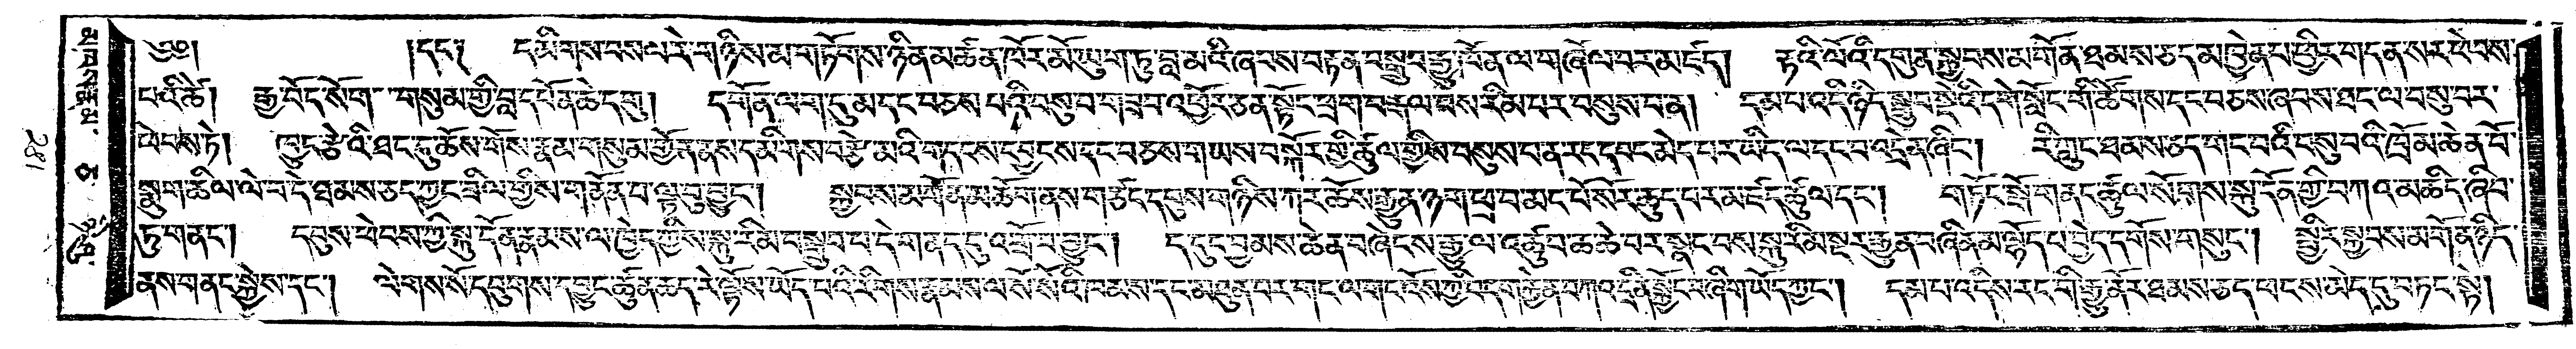༄༅། །དང༑ དམིགས་བསལ་རེ་གཉིས་མ་གཏོགས་ཉིན་མཚན་ཁོར་མོ་ཡུག་ཏུ་བླ་མའི་ཞབས་བརྟན་བསྒྲུབ་རྒྱུ་ཁོ་ན་ལ་གཞོལ་བར་མཛད། རྟའི་ལོའི་དགུན་སྐྱབས་མགོན་ཐམས་ཅད་མཁྱེན་པ་ཕྱིར་གདན་སར་ཕེབས་
པའི་ཚེ། རྒྱ་བོད་སོགས་གསུམ་གྱི་བླ་དཔོན་ཆེད་གུ། དགོན་ལག་དུ་མདང་བཅས་པའི་བསུ་བ་གཟབ་འཕྱོར་ཅན་སྟོང་ཕྲག་བརྒལ་བས་རིམ་བར་བསུས་བ་ན། དམ་པ་འདི་ཉིད་སྒྲུབ་སྡེའི་དགེ་སློང་གི་ཚོགས་དང་བཅས་ཞབས་ཐང་ལ་བསུ་བར་
ཕེབས་ཏེ། ཁྱུང་རྩེའི་ཐང་དུ་ཆོས་གོས་རྣམ་གསུམ་གྱོན་ནས་དམིགས་བརྩེ་མའི་གདངས་དབྱངས་དང་བཅས་གཡས་བསྐོར་གྱི་ཚུལ་གྱིས་བསུས་པ་ན་རང་དབང་མེད་པར་ཡིད་ལ་དང་བ་འདྲེན་ཞིང་། རི་ཀླུང་ཐམས་ཅད་གང་བའི་བསུ་བའི་ཁྲོམ་ཆེན་པོ་
སྨུག་ཆིལ་ལེ་བདེ་ཐམས་ཅད་ཀྱང་ཟིལ་གྱིས་གནོན་པ་ལྟ་བུ་བྱུང་། སྐྱབས་མགོན་མཆོག་ནས་གཙང་དབུས་གཉིས་ཀར་ཆོས་རྒྱུན་ཉག་ཕྲ་བ་མང་པོ་སོར་ཆུད་པར་མཛད་ཚུལ་དང་། གཏོང་སྒོ་གནང་ཚུལ་སོགས་སྐུ་དོན་གྱི་བཀའ་མཆིད་ཞིབ་
ཏུ་གནང་། དབུས་ཕེབས་ཀྱི་སྐུ་དོན་རྣམས་ལ་ཁྱེད་ཀྱིས་སྐུ་རིམ་བསྒྲུབ་པ་དེ་གནད་དུ་འགྲོ་བ་བྱུང་། དངུང་བྱམས་ཆེན་བཞེངས་རྒྱུ་ལ་འཚུབ་ཆ་ཆེ་བར་སྣང་བས་སྐུ་རིམ་སྔར་རྒྱུན་བཞིན་མོ་ལྷོད་པ་བྱེད་དགོས་གསུང་། སྤྱིར་སྐྱབས་མགོན་ཉིད་
ནས་གནང་སྐྱེས་དང་། ལེགས་སོ་དབུགས་དབྱུང་ཚུན་ཆད་རེ་ལྟོས་ཡོད་པའི་རིགས་རྣམས་ལ་སོ་སོའི་ཁམས་དང་མཐུན་པར་གང་ལ་གང་འོས་ཀྱི་བདག་རྐྱེན་བཀའ་དྲིན་སྐྱོང་བཞིག་ཡོད་ཀྱང་། དམ་པ་འདིས་རང་གི་རྒྱུ་ནོར་ཐམས་ཅད་ཕངས་མེད་དུ་བཏང་སྟེ།